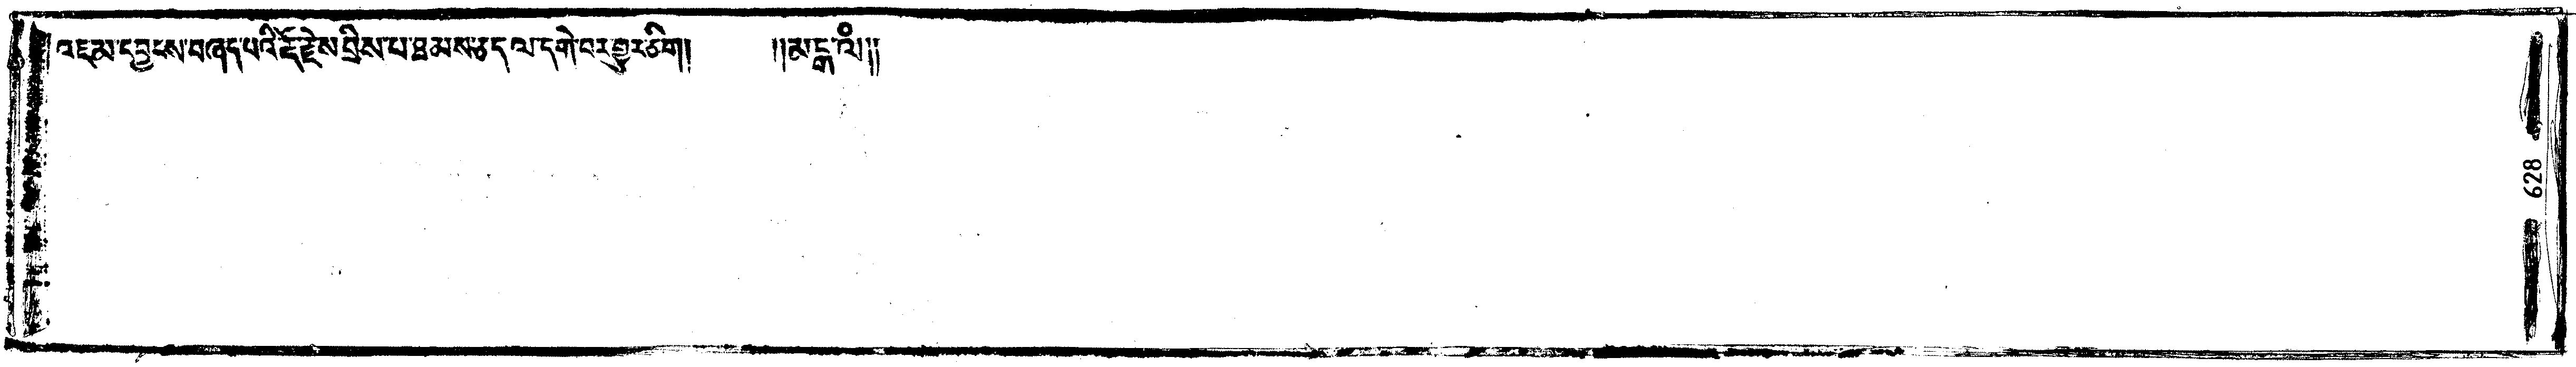འཇམ་དབྱངས་བཞད་པའི་རྡོ་རྗེས་བྲིས་པ་ཐམས་ཅད་ལ་དགེ་བར་གྱུར་ཅིག། །།མངྒ་ལཾ།། །།